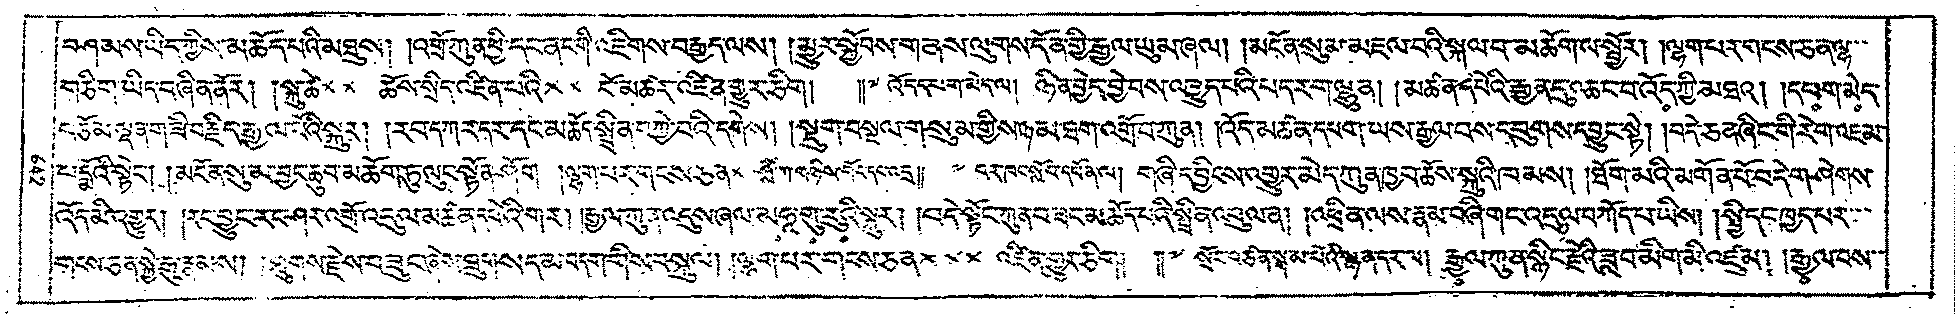བཤམས་ཡིད་ཀྱིས་མཆོད་པའི་མཐུས། །འགྲོ་ཀུན་ཕྱི་དང་ནང་གི་འཇིགས་བརྒྱད་ལས། །མྱུར་སྐྱོབས་གནས་ལུགས་དོན་གྱི་རྒྱལ་ཡུམ་ཞལ། །མངོན་སུམ་མཇལ་བའི་སྐལ་བ་མཆོག་ལ་སྦྱོར། །ལྷག་པར་གངས་ཅན་ལྷ་
གཅིག་ཡིད་བཞིན་ནོར། །སྐུ་ཚེ་྾་྾་ཆོས་སྲིད་འཛིན་པའི་྾་྾་ངོ་མཚར་འཛིན་གྱུར་ཅིག ། །།༧་འོད་དཔག་མེད་ལ།  ཉིན་བྱེད་བྱེ་བས་འཁྱུད་པའི་པད་རག་ལྷུན། །མཚན་དཔེའི་རྒྱན་དུ་འཆང་བ་འོད྾་ཀྱི་མཐའ། །དཔག྾་མེད྾་
བཅོམ་ལྡན་གཟི་བརྗིད་རྒྱལ་པོའི་སྐུར། །རབ་དཀར་དར་དང་མཆོད་སྤྲིན་བཀྱེ་བའི་དགེས། །སྡུག་བསྔལ་གསུམ་གྱིས་ཉམ་ཐག་འགྲོ་བ་ཀུན། །འོད་མཚན་དཔག་ཡས་རྒྱལ་བས་དབུགས་དབྱུང་སྟེ། །བདེ་ཅན་ཞིང་གི་རེག་འཇམ་
པདམོའི་སྟེང་། །མངོན་སུམ་བྱང་ཆུབ་མཆོག་ཏུ་ལུང་སྟོན་ཤོག །ལྷག་པར་གངས་ཅན་྾་ཤླཽ་ཀ་གཉིས་གོང་དང་འདྲ། ། ༧་བར་ཁང་སློབ་དཔོན་ལ།  གཞི་དབྱིངས་འགྱུར་མེད་ཀུན་ཁྱབ་ཆོས་སྐུའི་ཁམས། །ཐོག་མའི་མགོན་པོ་བདེ་གཤེགས་
འོད་མི་འགྱུར། །རང་བྱུང་རང་ཤར་འགྲོ་འདུལ་མཚན་དཔེའི་གར། །རྒྱལ་ཀུན་འདུས་ཞལ་མཧཱ྾་གུ྾་རུའི྾་སྐུར། །བདེ་སྟོང་ཀུན་བཟང་མཆོད་པའི་སྤྲིན་འབུལ་ན། །འཕྲིན་ལས་རྣམ་བཞི་གང་འདུལ་བཀོད་པ་ཡིས། །སྤྱི་དང་ཁྱད་པར་
གངས་ཅན་སྐྱེ་རྒུ་རྣམས། །ཐུགས་རྗེས་བཟུང་ཞེས་ཐུགས་དམ་བདག་གིས་བསྐུལ། །ལྷག་པར་གངས་ཅན་྾་྾་྾་འཛིན་གྱུར་ཅིག ། །། ༧་སྲོང་བཙན་སྒམ་པོའི་སྙན་དར་ལ།  རྒྱལ྾་ཀུན་སྙིང་རྗེའི་ཟླ་བ་མིག་མི་འཛུམ། །རྒྱལ྾་བས་